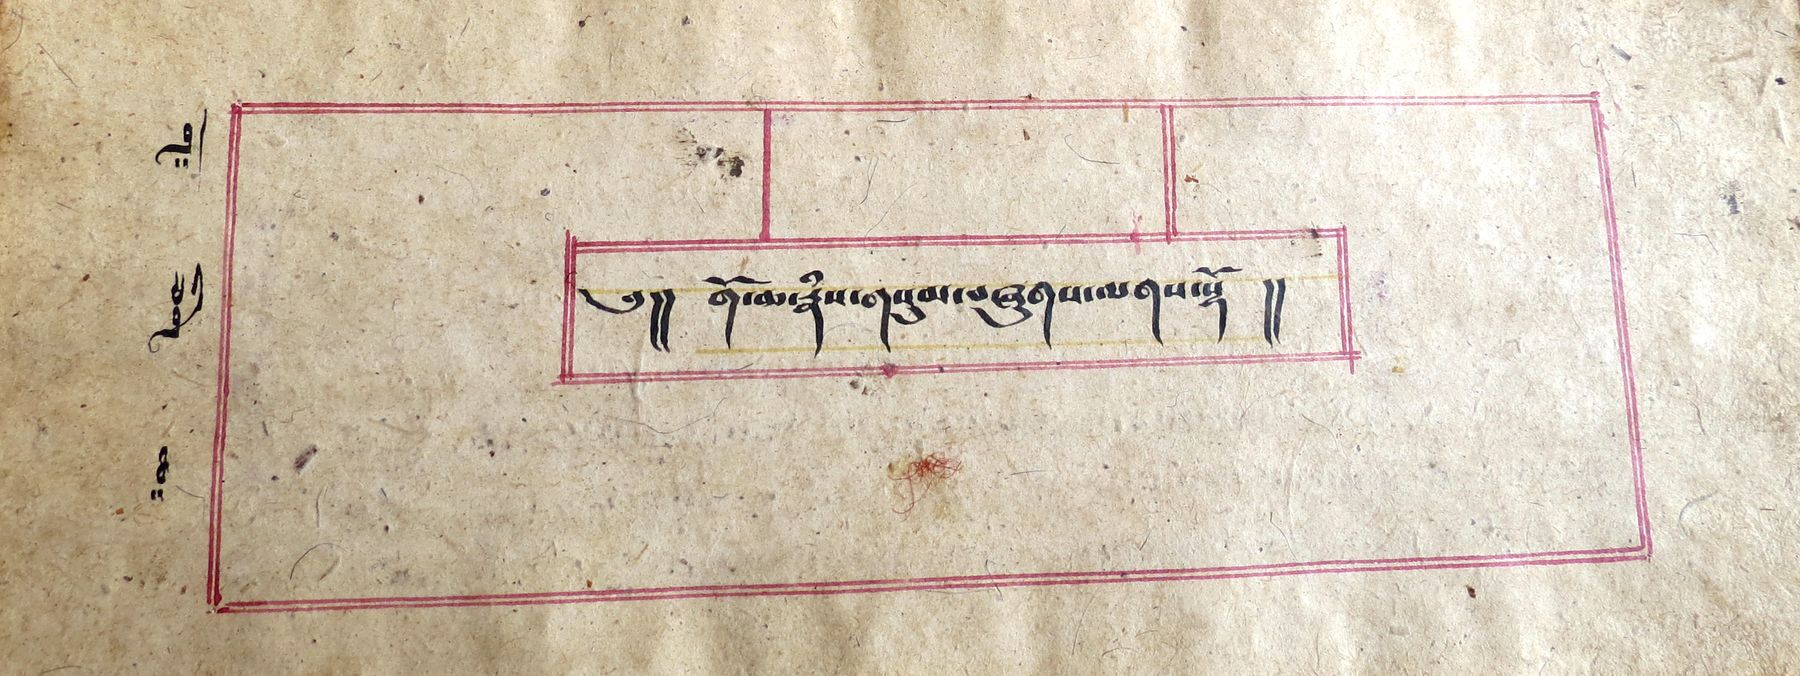༄༅། ། ། ། གོ་ཆ་རྣམ་གསུམ་བཞུགས་པ་ལགས་སོ། །